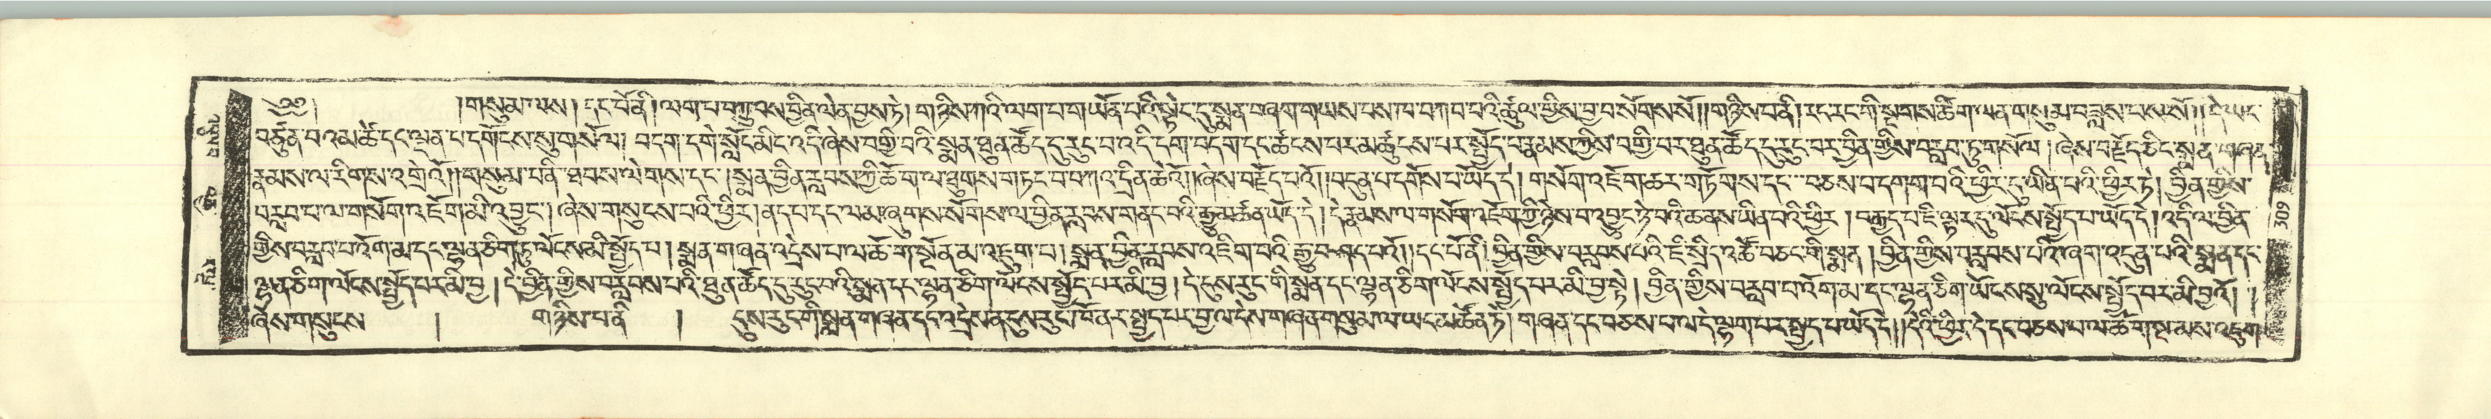༄༅། །གསུམ་ལས། དང་པོ་ནི། ལག་པ་བཀྲུ་བས་བྱིན་ལེན་བྱས་ཏེ། གཉིས་ཀའི་ལག་པ་གཡོན་པའི་སྟེང་དུ་སྨན་བཞག་གཡས་པས་ཁ་བཀབ་པའི་ཚུལ་གྱིས་བྱ་བ་སོགས་སོ། །གཉིས་པ་ནི། རང་རང་གི་སྔགས་ཚིག་ལན་གསུམ་བཟླས་པས་སོ། །དེ་ཡང་
བཙུན་བའམ་ཚེ་དང་ལྡན་པ་དགོངས་སུ་གསོལ། བདག་དགེ་སློང་མིང་འདི་ཞེས་བགྱི་བའི་སྨན་ཐུན་ཚོད་དུ་རུང་བ་འདི་དག་བདག་དང་ཚངས་པར་མཚུངས་པར་སྤྱོད་པ་རྣམས་ཀྱིས་བགྱི་བར་ཐུན་ཚོད་དུ་རུང་བར་བྱིན་གྱིས་བརླབ་ཏུ་གསོལ། ཞེས་བརྗོད་ཅིང་སྨན་གཞན་
རྣམས་ལ་རིགས་འགྲེའོ། །གསུམ་པ་ནི་ཐབས་ལེགས་དང་། སྨན་བྱིན་རླབས་ཀྱི་ཆོ་ག་ལ་ཐུགས་གཏང་བ་བཀའ་དྲིན་ཆེའོ། །ཞེས་བརྗོད་པའོ། །བདུན་པ་དགོས་པ་ཡོད་དེ། གསོག་འཇོག་ཆར་གཏོགས་དང་བཅས་པ་དགག་པའི་ཕྱིར་དུ་ཡིན་པའི་ཕྱིར་ཏེ། བྱིན་གྱིས་
བརླབ་པ་ལ་གསོག་འཇོག་མི་འབྱུང་། ཞེས་གསུངས་པའི་ཕྱིར། ནད་པ་དང་ལམ་ཞུགས་སོགས་ལ་བྱིན་རླབས་གནང་བའི་རྒྱུ་མཚན་ཡོད་དེ། དེ་རྣམས་ལ་གསོག་འཇོག་ཀྱི་ཉེས་པ་འབྱུང་ཉེ་བའི་ཆ་ནས་ཡིན་པའི་ཕྱིར། བརྒྱད་པ་ཇི་ལྟར་དུ་ལོངས་སྤྱོད་པ་ཡོད་དེ། འདི་ལ་བྱིན་
གྱིས་བརླབ་པ་འོག་མ་དང་ལྷན་ཅིག་ཏུ་ལོངས་མི་སྤྱོད་པ། སྨན་གཞན་འདྲེས་པ་ལ་ཆོ་ག་སྔོན་མ་འཇུག་པ། སྨན་བྱིན་རླབས་འཇིག་པའི་རྒྱུ་བཤད་པའོ། །དང་པོ་ནི། བྱིན་གྱིས་བརླབས་པའི་ཇི་སྲིད་འཚོ་བཅད་གི་སྨན། བྱིན་གྱིས་བརླབས་པའི་ཞག་འདུན་པའི་སྨན་དང་
ལྷན་ཅིག་ལོངས་སྤྱོད་པར་མི་བྱ། དེ་བྱིན་གྱིས་བརླབས་པའི་ཐུན་ཚོད་དུ་རུང་བའི་སྨན་དང་ལྷན་ཅིག་ལོངས་སྤྱོད་པར་མི་བྱ། དེ་དུས་རུང་གི་སྨན་དང་ལྷན་ཅིག་ལོངས་སྤྱོད་པར་མི་བྱ་སྟེ། བྱིན་གྱིས་བརླབ་པ་འོག་མ་དང་ལྷན་ཅིག་ཡོངས་སུ་ལོངས་སྤྱོད་བར་མི་བྱའོ། །
ཞེས་གསུངས། གཉིས་པ་ནི། དུས་རུང་གི་སྨན་གཞན་དང་འདྲེས་ན་དུས་རུང་ཁོ་ནར་སྤྱད་པར་བྱ་ལ་དེས་གཞན་གསུམ་ལ་ཡང་མཚོན་ཏེ། གཞན་དང་བཅས་པ་ལ་དེ་ལྷག་པར་སྤྱད་པ་ཡོད་དེ། །དེའི་ཕྱིར་དེ་དང་བཅས་པ་ལ་ཆོ་ག་སྔ་མས་འཇུག་